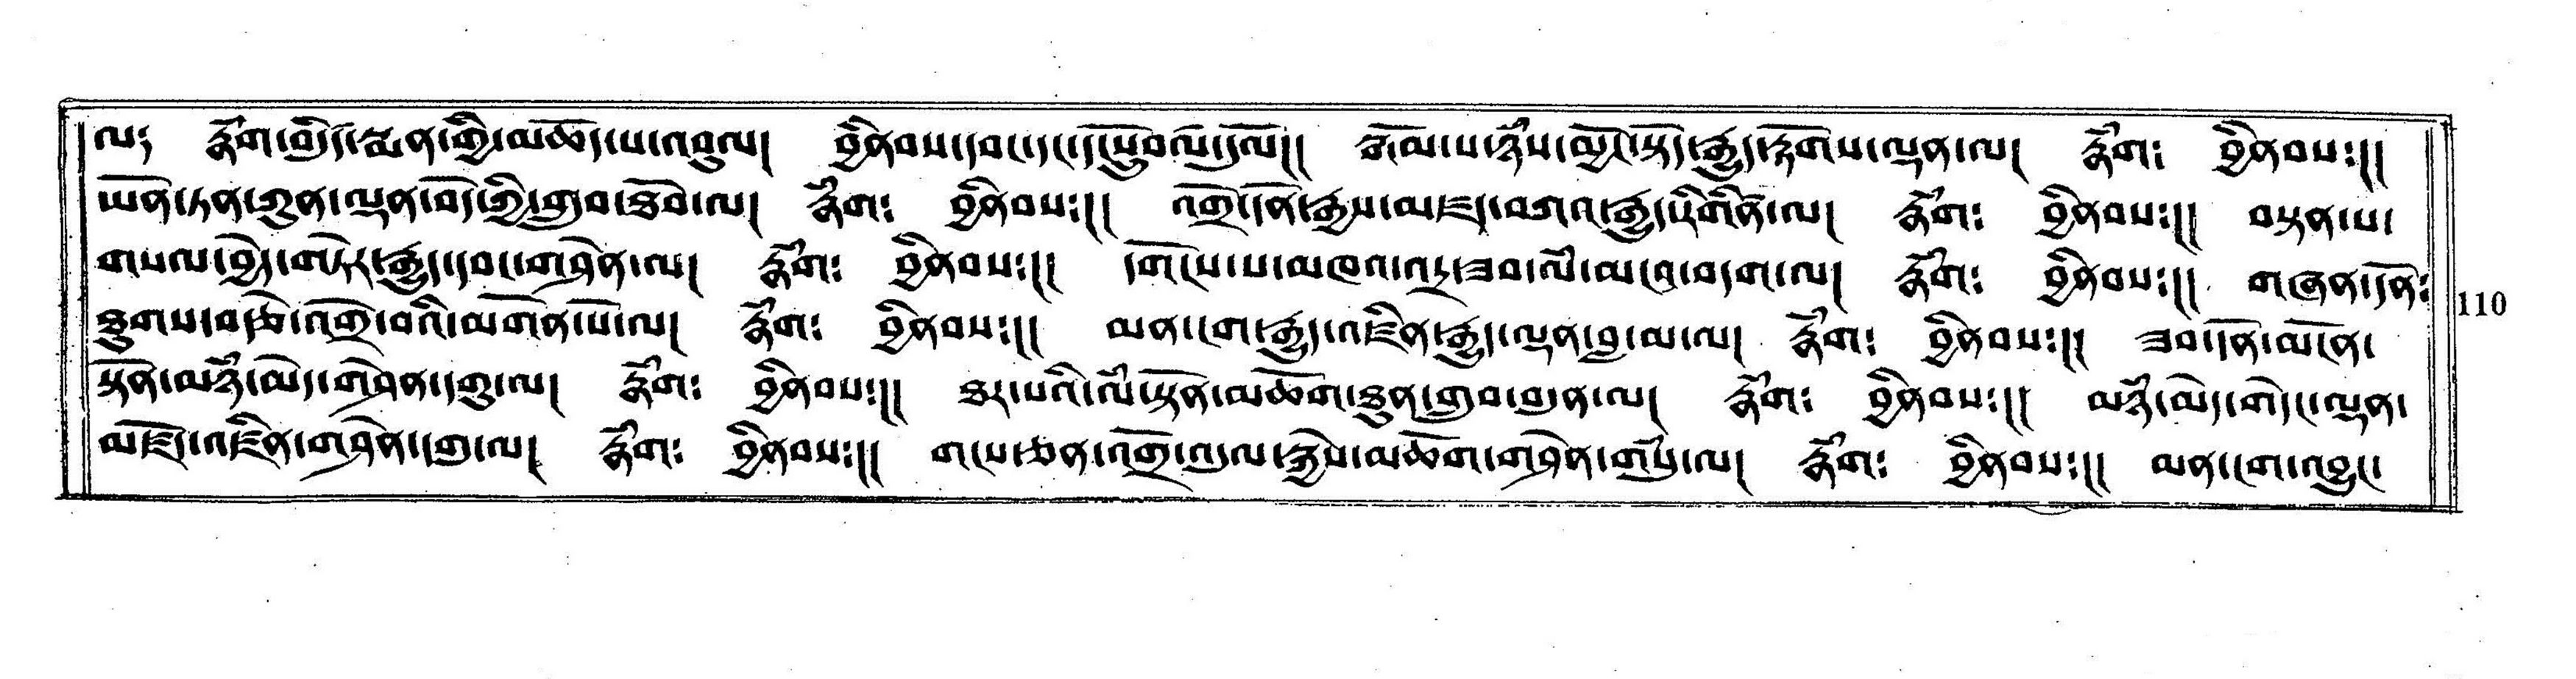ལ། རྣམ་དག་བདུད་རྩི་སྨན་གྱི་མཆོད་པ་འབུལ། བྱིན་རླབས་དབང་དང་དངོས་གྲུབ་སྩོལ་དུ་གསོལ། སྒོམ་པ་ཉམས་མྱོང་སྟོད་རྒྱུད་རྟོགས་ལྡན་ལ། རྣམ་དག༴ བྱིན་རླབས༴།། 
ཡོན་ཏན་ཀུན་ལྡན་བོད་ཀྱི་གྲུབ་ཐོབ་ལ། རྣམ་དག༴ བྱིན་རླབས༴།། འགྲོ་དོན་རྒྱས་མཛད་བཀའ་རྒྱུད་རིག་འཛིན་ལ། རྣམ་དག༴ བྱིན་རླབས༴།། བསྟན་པ་
གསལ་བྱེད་གཏེར་རྒྱུད་དབང་གཤེན་ལ། རྣམ་དག༴ བྱིན་རླབས༴།། དགོངས་པ་མཁའ་འདྲ་ཟབ་ལམ་མངའ་བདག་ལ། རྣམ་དག༴ བྱིན་རླབས༴།། གཞན་དོན༴ 
ཐུགས་བརྩེ་འགྲོ་བའི་མགོན་པོ་ལ། རྣམ་དག༴ བྱིན་རླབས༴།། མན་ངག་རྒྱུད་འཛིན་རྒྱུད་ལྡན་བླ་མ་ལ། རྣམ་དག༴ བྱིན་རླབས༴།། ཟབ་དོན་མངོན་
སྟོན་མཉམ་མེད་གཤེན་དགུ་ལ། རྣམ་དག༴ བྱིན་རླབས༴།། ཐར་པའི་ལམ་སྟོན་མཆོག་ཐུན་གྲུབ་བདུན་ལ། རྣམ་དག༴ བྱིན་རླབས༴།། མཉམ་མེད་གདེང་ལྡན་
མཛོད་འཛིན་གཤེན་དགུ་ལ། རྣམ་དག༴ བྱིན་རླབས༴།། གངས་ཅན་འགྲོ་འདུལ་སྐྱེས་མཆོག་གཤེན་གསུམ་ལ། རྣམ་དག༴ བྱིན་རླབས༴།། མན་ངག་འབྱུང་